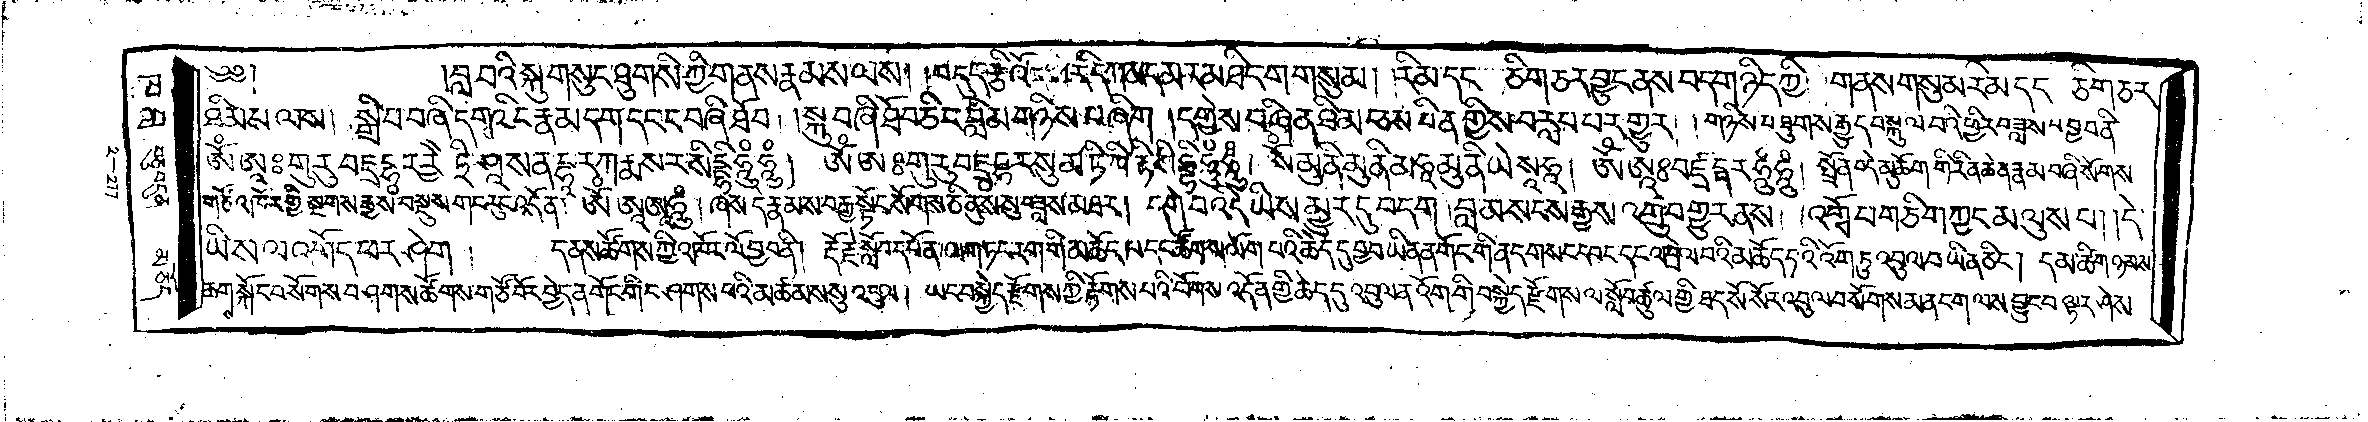༄༅། །བླ་བའི་སྐུ་གསུང་ཐུགས་ཀྱི་གནས་རྣམས་ལ། །བདུད་རྩིའོ་དབར་རིད་མ་དམར་མཐིང་ག་གསུམ། །རིམ་དང་ཅིག་ཅར་བྱུང་ནས་བདག་ཉིད་ཀྱི། གནས་གསུམ་རིམ་དང་ཅིག་ཅར་
ཐིམས་ལས། སྒྲིབ་བཞི་དགའི་ང་རྣམ་དག་དབང་བཞི་ཐོབ། །སྐུ་བཞི་ཐོབ་ཅིང་བླ་མ་གཉིས་པ་ཞིག །དགྱེས་བཞིན་ཐིམ་ཅས་པོན་གྱིས་བརླབ་པར་གྱུར། །གཉིས་པ་ཐུགས་རྒྱུད་བསྐུལ་བའི་ཕྱིར་བཟླས་པ་བྱ་བ་ནི
ཨོཾ་ཨཱཿ གུ་རུ་བཛྲ་དཧརྱཻ་ཏྲི་ཤཱ་སན་དྷཱར་ཀརྨས་ར་སིདྡྷི་ཧཱུཾ་ཧཱུཾ། ཨོཾ་ཨཿ གུ་རུ་བཛྲ་བྷརཾ་སུམཏི་ཀྲི་རྟིས་སིདྡྷི་ཧཱུཾ་ཧཱུཾ། ཨོཾ་མུ་ནི་མུ་ནི་མྷཱ་མུནིཡེ་སཱཧཱ། ཨོཾ་ཨཱཿ བཛྲ་དེར་ཧཱུཾ་ཧཱུཾ། སྤྲོན་བདེ་མཆོག་གི་རིན་ཆེན་རྣམ་བཞི་སོགས་
གཙོ་འཁོར་གྱི་སྔགས་རྒྱས་བསྡུས་གང་རུང་འདོན་ཨོཾ་ཨཱ་ཨཱ་ཧཱུཾ། ཞེས་དེ་རྣམས་བརྒྱ་སྟོང་སོགས་ཅི་ནུས་སུ་བཟླས་མཐར། དགེ་བ་འདི་ཡིས་མྱུར་དུ་བདག། བླ་མ་སངས་རྒྱས་འགྲུབ་གྱུར་ནས། །འགྲོ་བ་གཅིག་ཀྱང་མ་ལུས་པ། །དེ་
ཡིས་ལ་འགོད་ཕར་ཤེག། དེ་ནས་ཚོགས་ཀྱི་འཁོར་ལོ་བྱ་བ་ནི། རྡོ་རྗེ་སློབ་དཔོན་ལ་གཏང་རག་གི་མཆོད་བ་དང་ཚོགས་ལོག་པའི་ཆེད་དུ་བྱ་བ་ཡིན་ན་གོང་གི་ནད་གསང་དབང་དང་འབྲེལ་བའི་མཆོད་ཏའི་འོག་ཏུ་འབུལ་བ་ཡིན་ཅིང་། དམ་ཚིག་ཉམས་
ཆགས་སྐོང་བ་སོགས་བཤགས་ཚོགས་གཙོ་བོར་བྱེད་ན་གོང་གི་བཤགས་པའི་མཚམས་སུ་འབུལ། ཡང་བསྐྱེད་རྫོགས་ཀྱི་རྟོགས་པའི་པོགས་འདོན་གྱི་ཆེད་དུ་འབུལ་ན་འོག་གི་བསྐྱེད་རྫོགས་ལ་སློབ་ཚུལ་གྱི་ཐད་སོ་སོར་འབུལ་བ་སོགས་མན་ངག་ལས་བྱུང་བ་ལྟར་ཤེས་